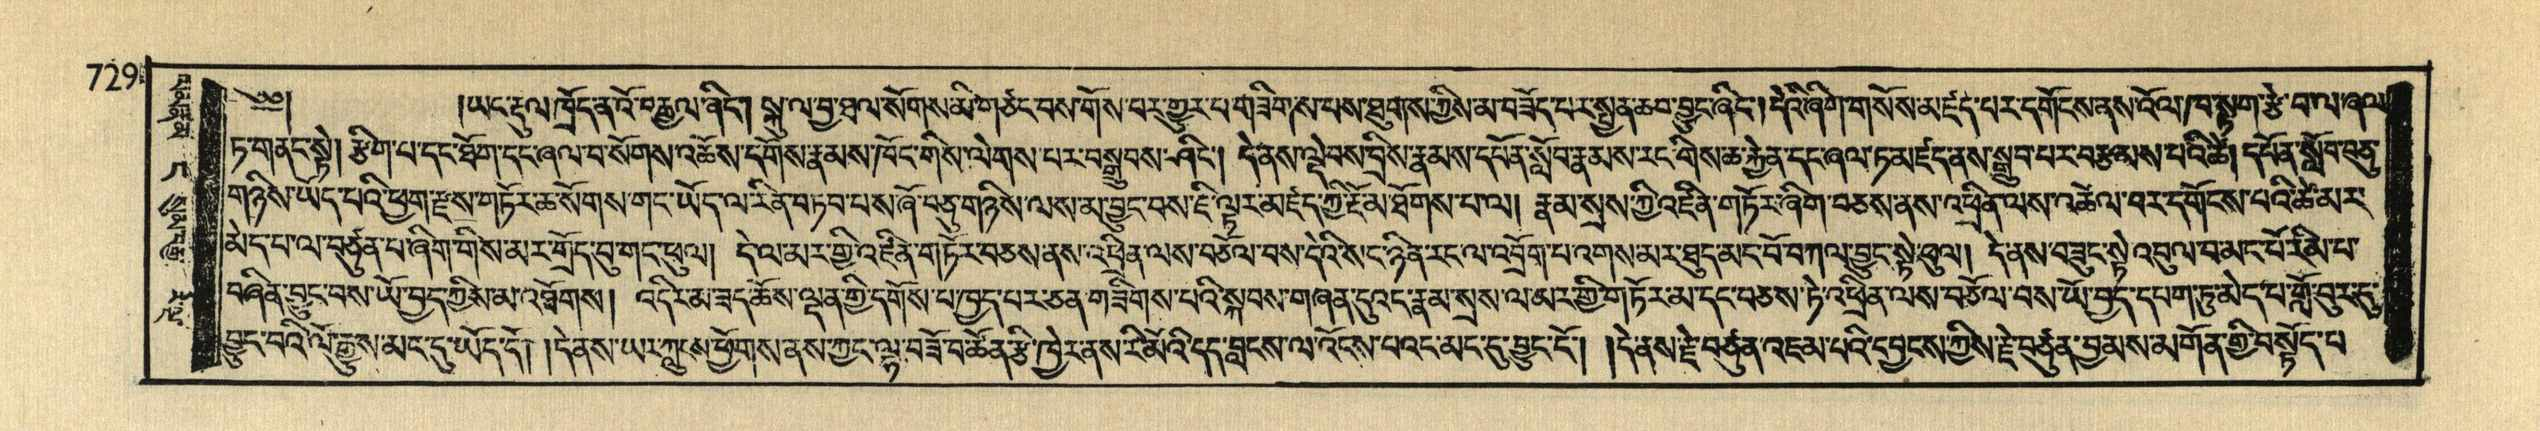༄༅། །ཡང་རྡུལ་ཁྲོད་ན་འོ་བརྒྱལ་ཞིང་། སྐུ་ལ་བྱ་ཐལ་སོགས་མི་གཙང་བས་གོས་པར་གྱུར་པ་གཟིགས་པས་ཐུགས་ཀྱིས་མ་བཟོད་པར་སྤྱན་ཆབ་བྱུང་ཞིང་། དེའི་ཞིག་གསོས་མཛད་པར་དགོངས་ནས་འོལ་ཁ་སྟག་རྩེ་བ་ལ་ཞལ་
ཏ་གནང་སྟེ། རྩིག་པ་དང་ཐོག་དང་ཞལ་བ་སོགས་འཆོས་དགོས་རྣམས་ཁོང་གིས་ལེགས་པར་བསྒྲུབས་ཤིང་། དེ་ནས་ལྡེབས་བྲིས་རྣམས་དཔོན་སློབ་རྣམས་རང་གིས་ཆ་རྐྱེན་དང་ཞལ་ཏ་མཛད་ནས་སྒྲུབ་པར་བརྩམས་པའི་ཚེ། དཔོན་སློབ་བཅུ་
གཉིས་ཡོད་པའི་ཕྱག་རྫས་གཏོར་ཆ་སོགས་གང་ཡོད་ལ་རིན་བཏབ་པས་ཞོ་བཅུ་གཉིས་ལས་མ་བྱུང་བས་ཇི་ལྟར་མཛད་ཀྱི་རྔོ་མ་ཐོགས་པ་ལ། རྣམ་སྲས་ཀྱི་འཛིན་གཏོར་ཞིག་བཅས་ནས་འཕྲིན་ལས་འཚེལ་བར་དགོངས་པའི་ཚེ་མར་
མེད་པ་ལ་བཙུན་པ་ཞིག་གིས་མར་གྲོད་བུ་གང་ཕུལ། དེ་ལ་མར་གྱི་འཛིན་གཏོར་བཅས་ནས་འཕྲིན་ལས་བཅོལ་བས་དེའི་སང་ཉིན་རང་ལ་འབྲོག་པ་འགས་མར་ཐུད་མང་བོ་བཀལ་བྱུང་སྟེ་ཕུལ། དེ་ནས་བཟུང་སྟེ་འབུལ་བ་མང་པོ་རིམ་པ་
བཞིན་བྱུང་བས་ཡོ་བྱད་ཀྱིས་མ་འཐོགས། འདིར་མ་ཟད་ཆོས་ལྡན་གྱི་དགོས་པ་ཁྱད་པར་ཅན་གཟིགས་པའི་སྐབས་གཞན་དུའང་རྣམ་སྲས་ལ་མར་གྱི་གཏོར་མ་དང་བཅས་ཏེ་འཕྲིན་ལས་བཅོལ་བས་ཡོ་བྱད་དཔག་ཏུ་མེད་པ་གློ་བུར་དུ་
བྱུང་བའི་ལོ་རྒྱུས་མང་དུ་ཡོད་དོ། །དེ་ནས་ཡར་ཀླུངས་ཕྱོགས་ནས་ཀྱང་ལྷ་བཟོ་བ་ཚོན་རྩི་ཁྱེར་ནས་རི་མོའི་དད་བླངས་ལ་འོངས་པའང་མང་དུ་བྱུང་ངོ། །དེ་ནས་རྗེ་བཙུན་འཇམ་པའི་དབྱངས་ཀྱིས་རྗེ་བཙུན་བྱམས་མགོན་གྱི་བསྟོད་པ་